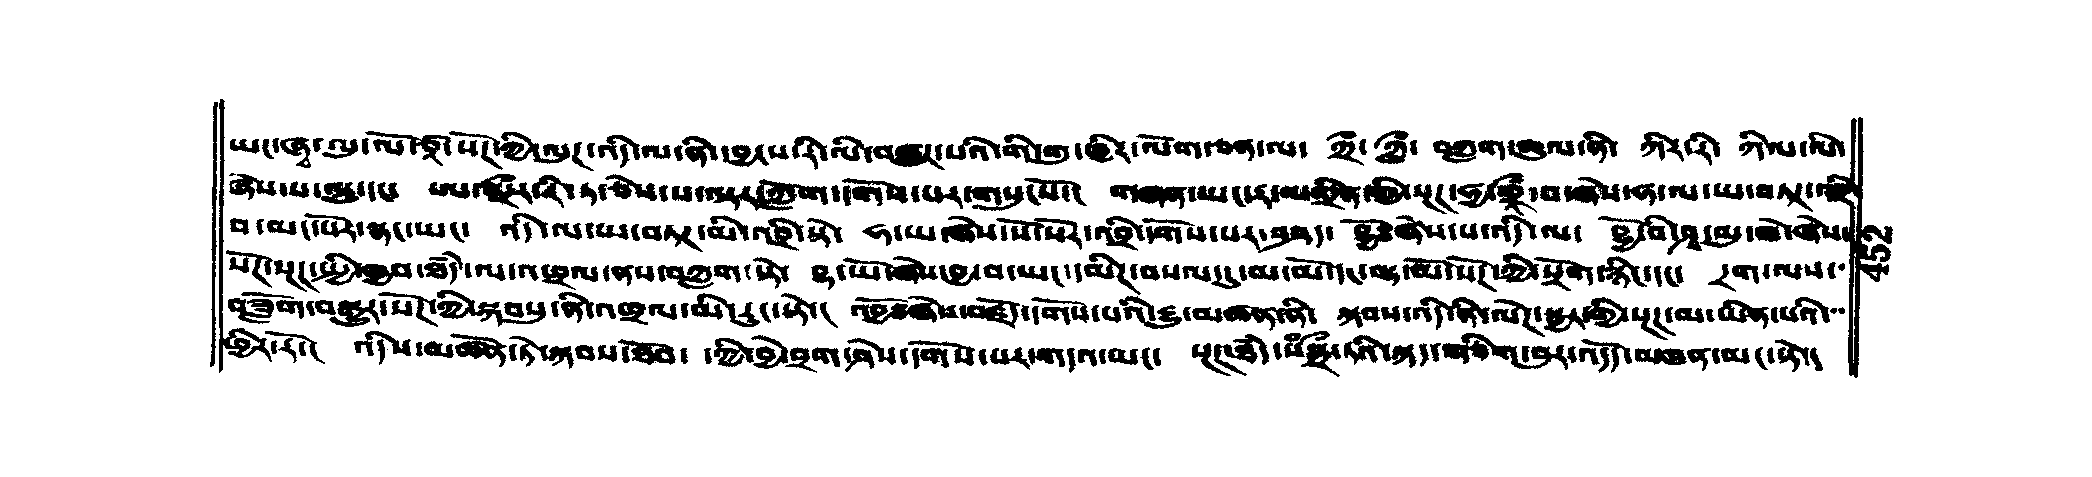ཡང་ཞྭ་ལུ་ལོ་ཙཱ་སོགས་ཀྱི་ལུགས་འདི་ལ་ནི་དབྱངས་རི་ལི་བཞུགས་པའི་གི་གུ་ཕྱིར་ལོག་ཅན་ལ། ཀྲྀ། ཀླྀ། བཀླག་ཆུལ་ནི། ཀིར་རི། ཀིལ་ལི། 
ཞེས་པ་ལྟ་བུ་དང་། ཨ་མྲིར་རི་ཏ་ཅེས་པ་ལྟར་ཀློག་དགོས་པར་གསུངས་སོ། གཞན་ཡང་རྟ་མགྲིན་གྱི་སྔགས་ཧྱ་གྲཱྀ་བ་ཞེས་ཧ་ལ་ཡ་བཏགས་འབྲི་
བ་མང་པོར་སྣང་ཡང་། འདི་ལ་ཡ་བཏགས་མི་འབྲི་སྟེ། ཧ་ཡ་ཞེས་སོ་སོར་འབྲི་དགོས་པར་བཤད། བྷྱོཿཞེས་པ་འདི་ལ། བྷྱོ་བི་ཤྭ་མུ་ཁེ་ཞེས་
སོགས་སྔགས་སྤྱི་ཁྱབ་ཐམས་ཅད་ལ་འཕྲལ་ནས་བཀླག་སྟེ། བྷ་ཡོ་ཞེས་བྱ་བ་ཡང་དམིགས་བསལ་དུ་མ་མོ་དང་ལྷ་མོ་སོགས་ཀྱི་སྲོག་སྙིང་དང་། དྲག་ལས་
བཟློག་བསྒྱུར་སོགས་ཀྱི་སྐབས་སུ་ནི་འཕྲལ་མི་རུང་སྟེ། འབྱོ་ཞེས་བརྗོད་དགོས་པའི་རྒྱུ་མཚན་ནི། སྐབས་འདི་ནི་ལེགས་སྦྱར་གྱི་སྔགས་མ་ཡིན་པའི་
ཕྱིར་རོ། འདིས་མཚོན་ཏེ་སྐབས་ཐོབ་ཀྱི་བྱེ་བྲག་ཤེས་དགོས་པར་གདའ་ཡང་། སྔགས་ཐམས་ཅད་སཾ་སྐྲྀ་ཏའི་སྐད་གཅིག་བུར་འདོད་མཁན་མང་སྟེ།